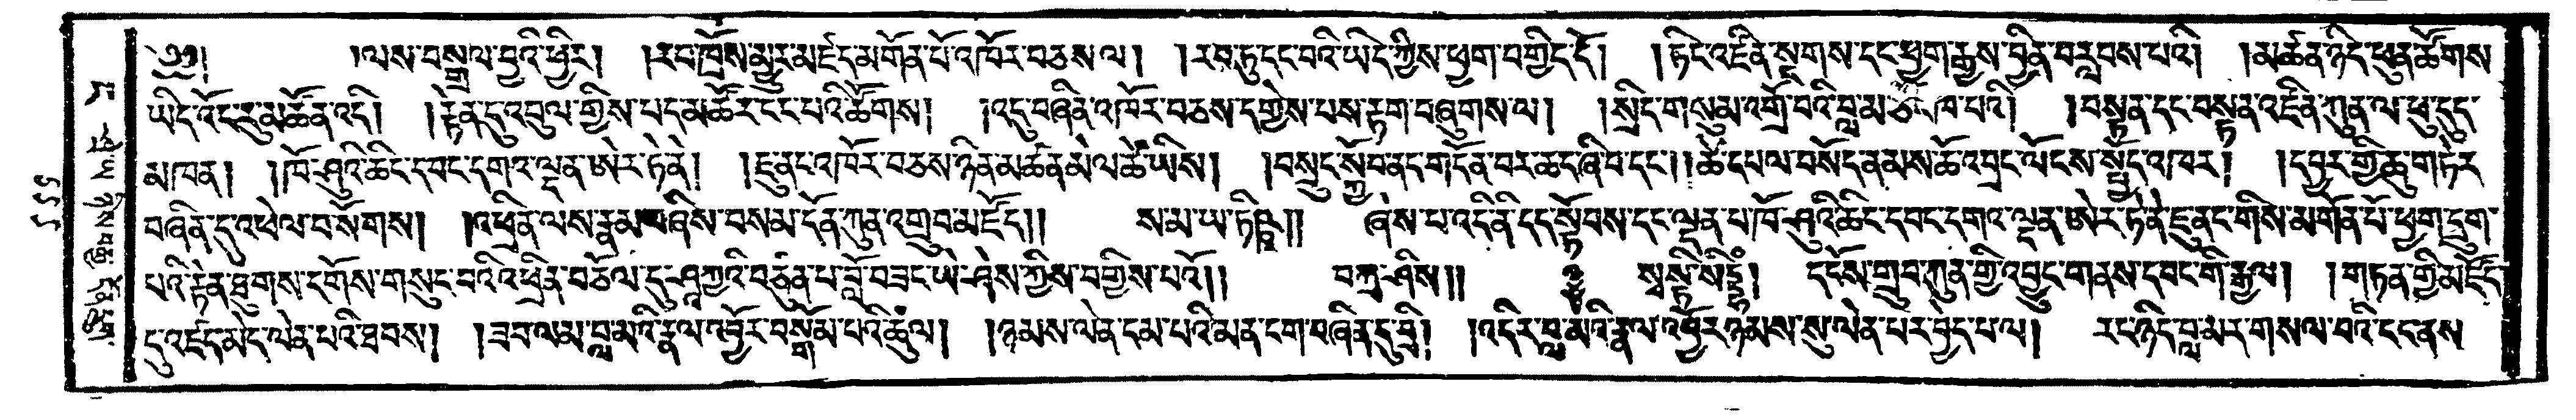༄༅། །ལས་བསྒྲལ་བྱའི་ཕྱིར། །རབ་ཁྲོས་མྱུར་མཛད་མགོན་པོ་འཁོར་བཅས་ལ། །རབ་ཏུ་དང་བའི་ཡིད་ཀྱིས་ཕྱག་བགྱིད་དོ། །ཏིང་འཛིན་སྔགས་དང་ཕྱག་རྒྱས་བྱིན་བརླབས་པའི། །མཚན་ཉིད་ཕུན་ཚོགས་
ཡིད་འོང་རུ་མཚོན་འདི། །རྟེན་དུ་འབུལ་གྱིས་པད་མཚོར་ངང་པའི་ཚོགས། །འདུ་བཞིན་འཁོར་བཅས་དགྱེས་པས་རྟག་བཞུགས་ལ། །སྲིད་གསུམ་འགྲོ་བའི་བླ་མ་ཙོང་ཁ་པའི། །བསྟན་དང་བསྟན་འཛིན་ཀུན་ལ་ཕུ་དུད་
མཁན། །ཁོ་ཤུའི་ཆིང་དབང་དགའ་ལྡན་ཨེར་ཏེ་ནེ། །ཇུ་ནང་འཁོར་བཅས་ཉིན་མཚན་མེལ་ཚེ་ཡིས། །བསྲུང་སྐྱོབ་ནད་གདོན་བར་ཆད་ཞི་བ་དང་། །ཚེ་དཔལ་བསོད་ནམས་ཆོ་འབྲང་ལོངས་སྤྱོད་འཁར། །དབྱར་གྱི་ཆུ་གཏེར་
བཞིན་དུ་འཕེལ་བ་སོགས། །འཕྲིན་ལས་རྣམ་བཞིས་བསམ་དོན་ཀུན་འགྲུབ་མཛོད།། ས་མ་ཡ་ཏིཥྵ།། ཞེས་པ་འདི་ནི་དད་སྟོབས་དང་ལྡན་པ་ཁོ་ཤུའི་ཆིང་དབང་དགའ་ལྡན་ཨེར་ཏེ་ནེ་ཇུ་ནང་གིས་མགོན་པོ་ཕྱག་དྲུག་
པའི་རྟེན་ཐུགས་དགོས་གསུང་བའི་འཕྲིན་བཅོལ་དུ་ཤཱཀྱའི་བཙུན་པ་བློ་བཟང་ཡེ་ཤེས་ཀྱིས་བགྱིས་པའོ།། བཀྲ་ཤིས།། ༈ སྭསྟི་སིདྡྷཾ། དངོས་གྲུབ་ཀུན་གྱི་འབྱུང་གནས་དབང་གི་རྒྱལ། །གཏན་གྱི་མཛོད་
དུ་འཛད་མེད་ལེན་པའི་ཐབས། །ཟབ་ལམ་བླ་མའི་རྣལ་འབྱོར་བསྒོམ་པའི་ཚུལ། །ཉམས་ལེན་དམ་པའི་མན་ངག་བཞིན་དུ་བྲི། །འདིར་བླ་མའི་རྣལ་འབྱོར་ཉམས་སུ་ལེན་པར་བྱེད་པ་ལ། རང་ཉིད་བླ་མར་གསལ་བའི་ངང་ནས་